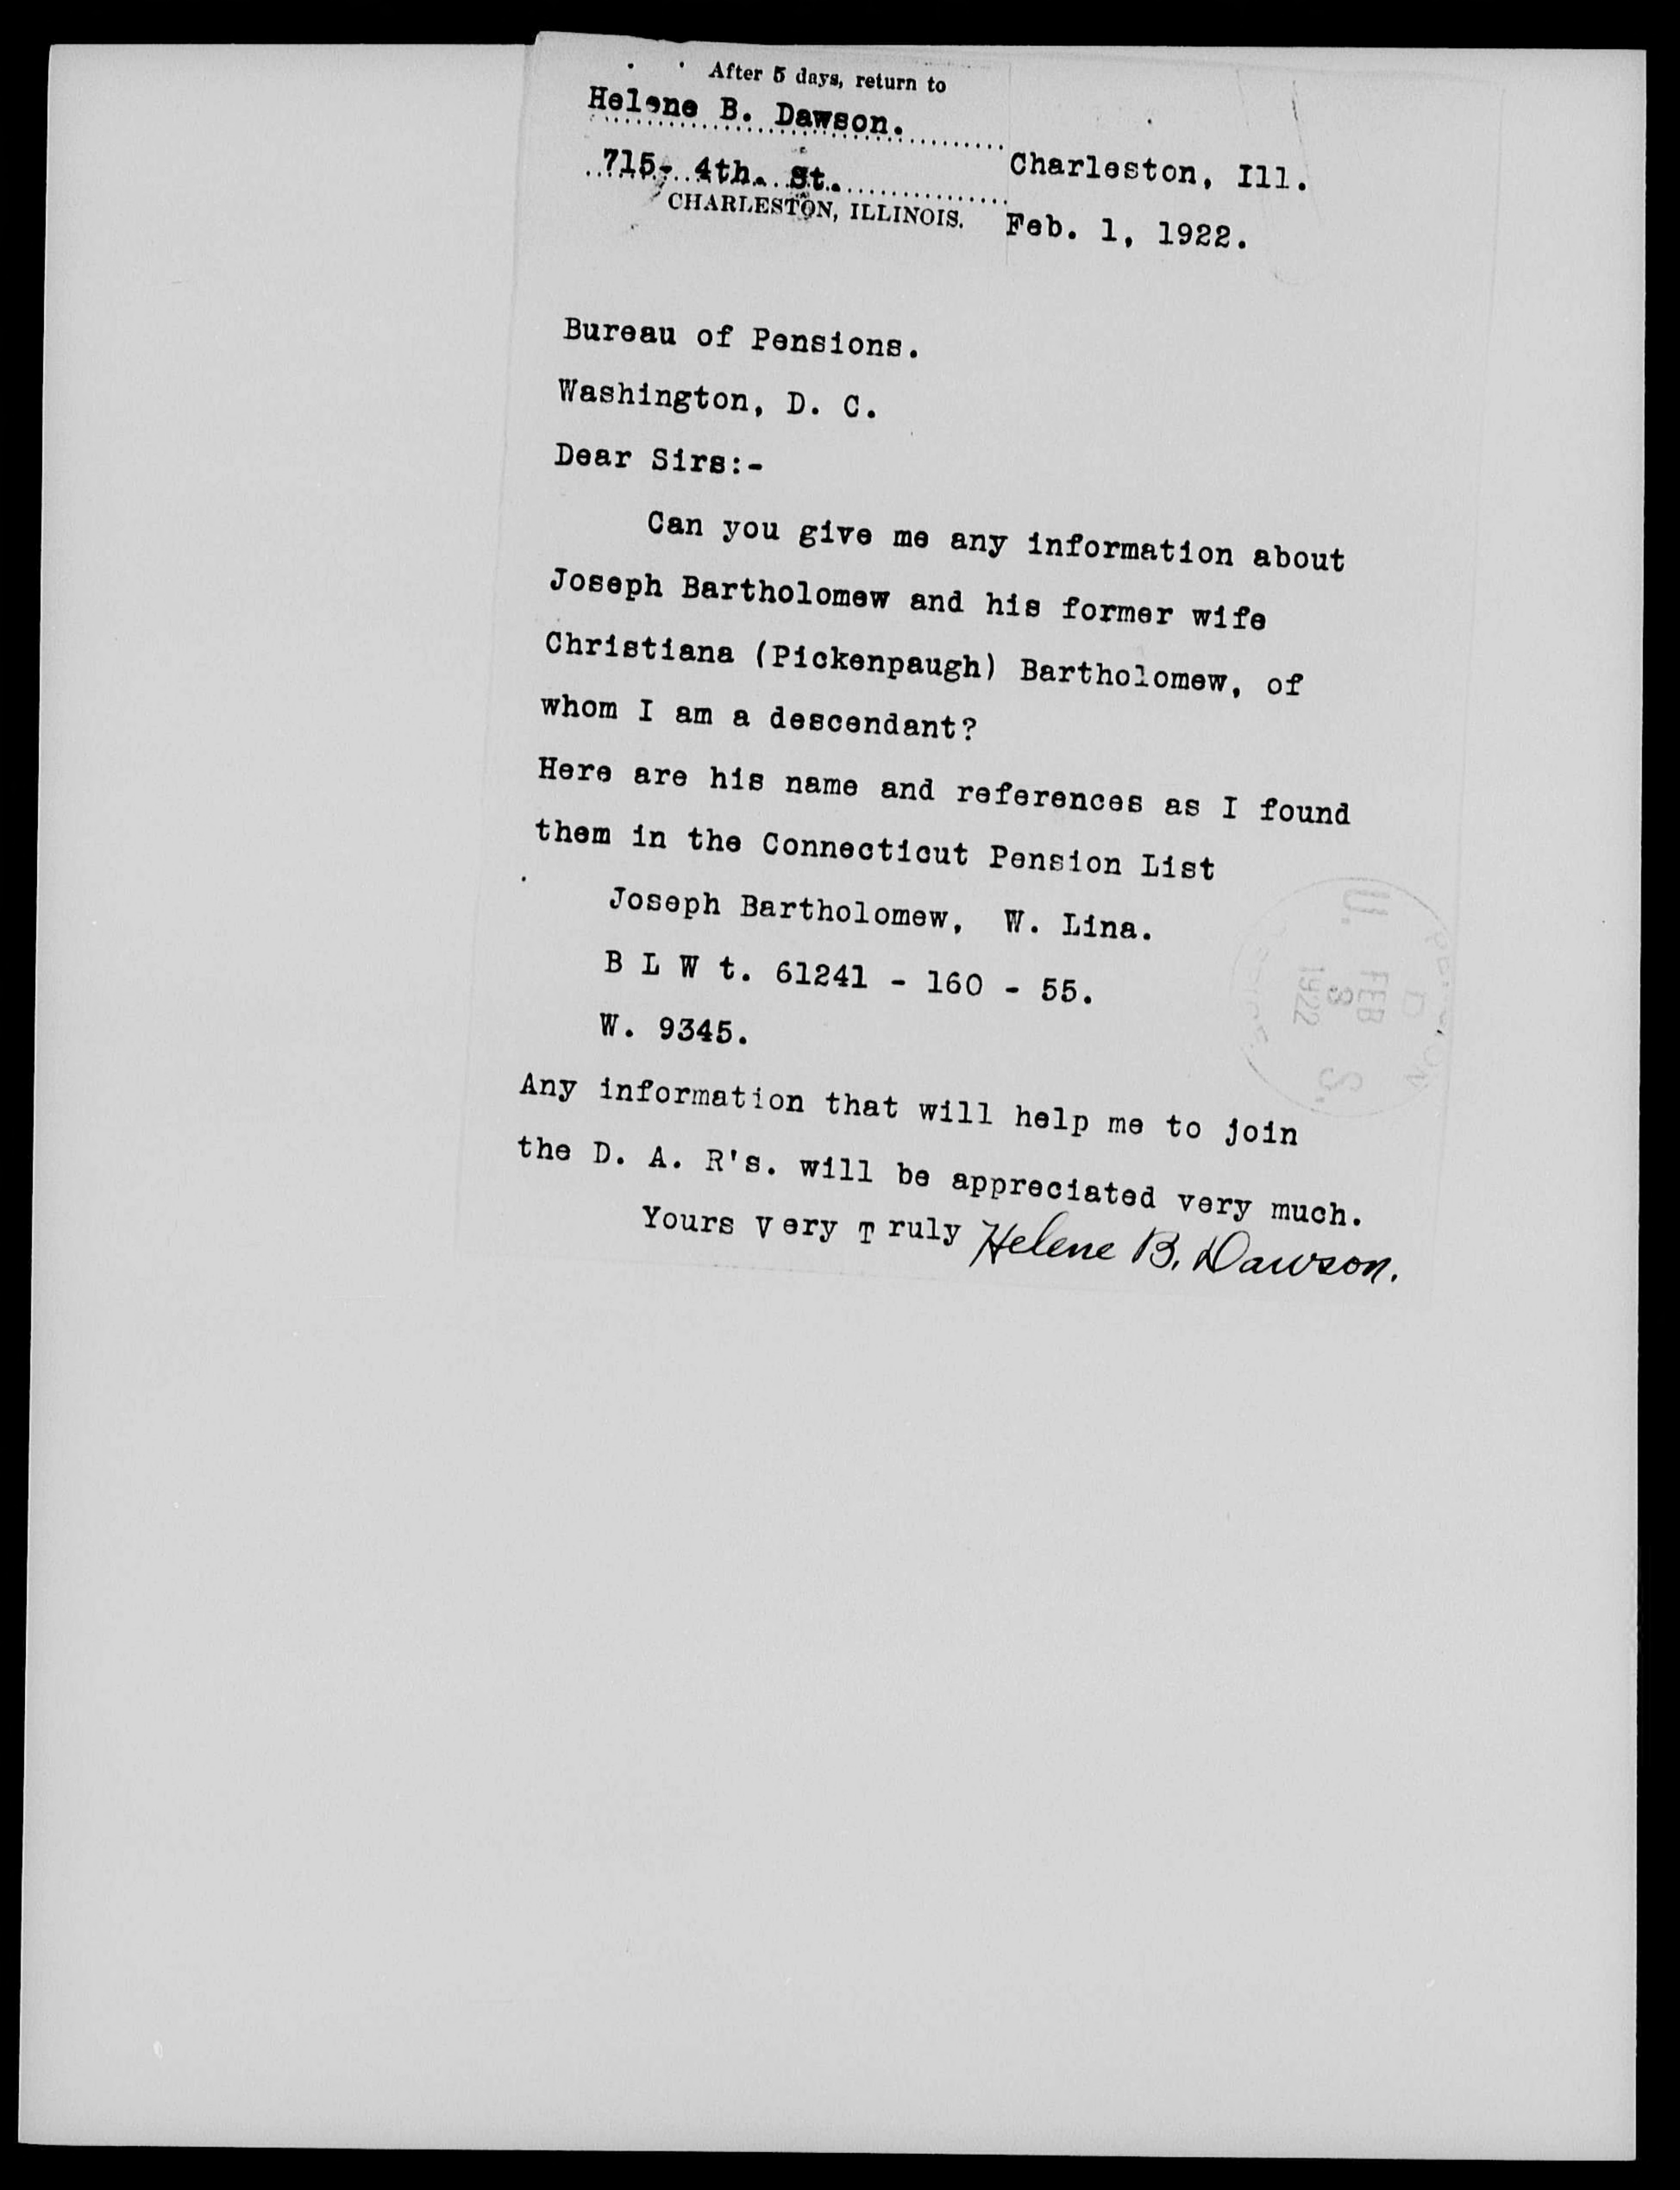After 5 days, return to
Helene B. Dawson,                           Charleston, 1ll.
715 4th St.
CHARLESTON, ILLINOIS.                   Feb. 1, 1922.

Bureau of Pensions,
Washington, D. C.
Dear Sirs:-
Can you give me any information about
Joseph Bartholomew and his former wife
Christiana (Pickenpaugh) Bartholomew, of
whom I am a descendant?
Here are his name and references as I found
them in the Connecticut Pension List
Joseph Bartholomew, W. Lina,
B L W t. 61241 - 160 - 55.
W. 9345.
Any information that will help me to join
the D. A. R.'s. will be appreciated very much.
Yours very truly Helene B. Dawson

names: Helene B Dawson, Christiana Pickenpaugh Bartholomew, W Lina, Helene B Dawson, Joseph Bartholomew, Joseph Bartholomew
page: 64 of 76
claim: widow's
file: W. 9345, Joseph Bartholomew, Conn.